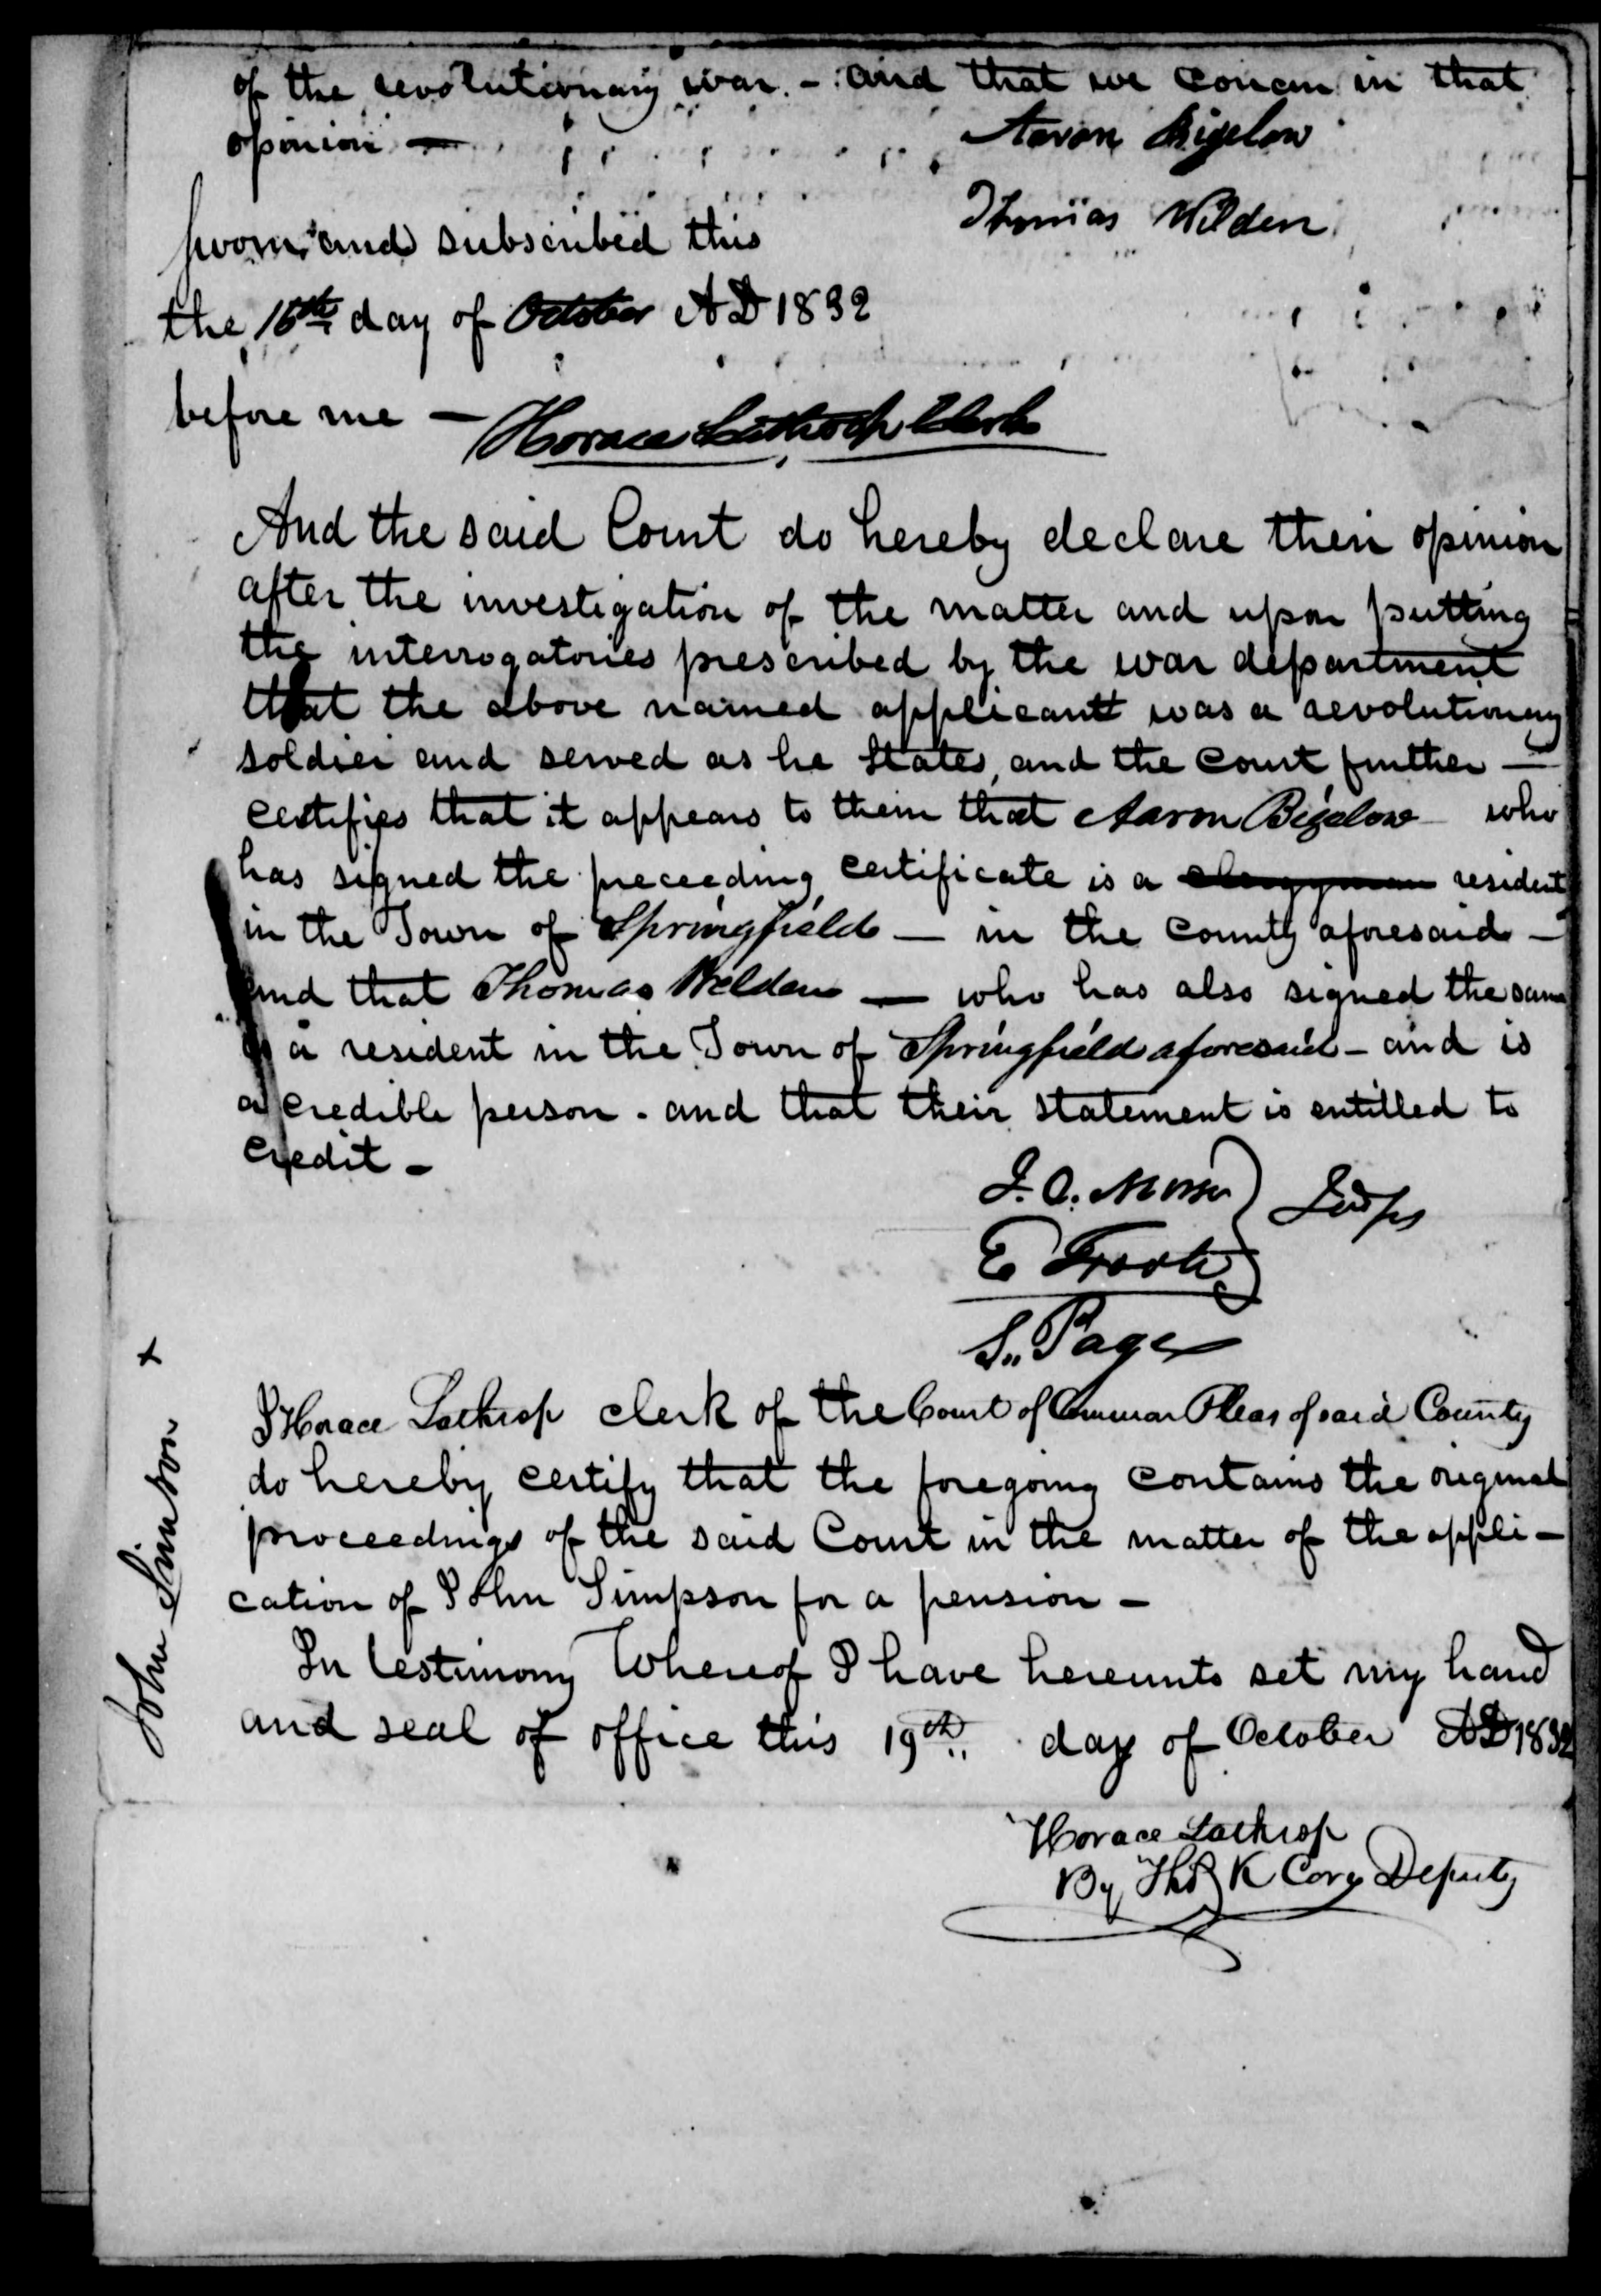of the revolutionary war and that we concur in that opinion
                               Aaron Bigelow
                              Thomas Wilden
Sworn and subscribed this
the 16th day of October AD 1832
before me  -- Horace Lathrop Clerk

And the said Court do hereby declare their opinion after the investigation of the matter and upon putting the interrogatories prescribed by the war department that the above named applicant was a revolutionary
soldier and served as he states, and the Court further certifies that it appears to them that Aaron Bigelow who has signed the preceeding certificate is a (clergyman is crossed out) resident in the Town of Springfield, in the County aforesaid and that Thomas Wilden -- who has also signed the same is a resident in the Town of Springfield aforesaid and is a
credible person, and that their statement is entitled to credit.
                            J.O. Moose}
                            E. Foote     }  Judges
                             __________  
                            S. Page

Horace Lathrop Clerk of the Court of Common Pleas of said County do hereby certify that the foregoing contains the original proceedings of the said Court in the matter of the application of John Simpson for a pension-
In testimony whereof I have hereunto set my hand and seal of office this 19th day of October AD 1832.
                         Horace Lathrop
                         By Thos R Cary Deputy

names: John Simson; Aaron Bigelow; E Foote; Thomas Wilden; Aaron Bigelow; Thomas Welden; S Page; J O Moore; Horace Lathrop; John Simpson; Horace Lathrop; Horace Lathrop; Thos K Cory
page: 5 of 35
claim: rejected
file: R. 9601, for John Simson, New Jersey